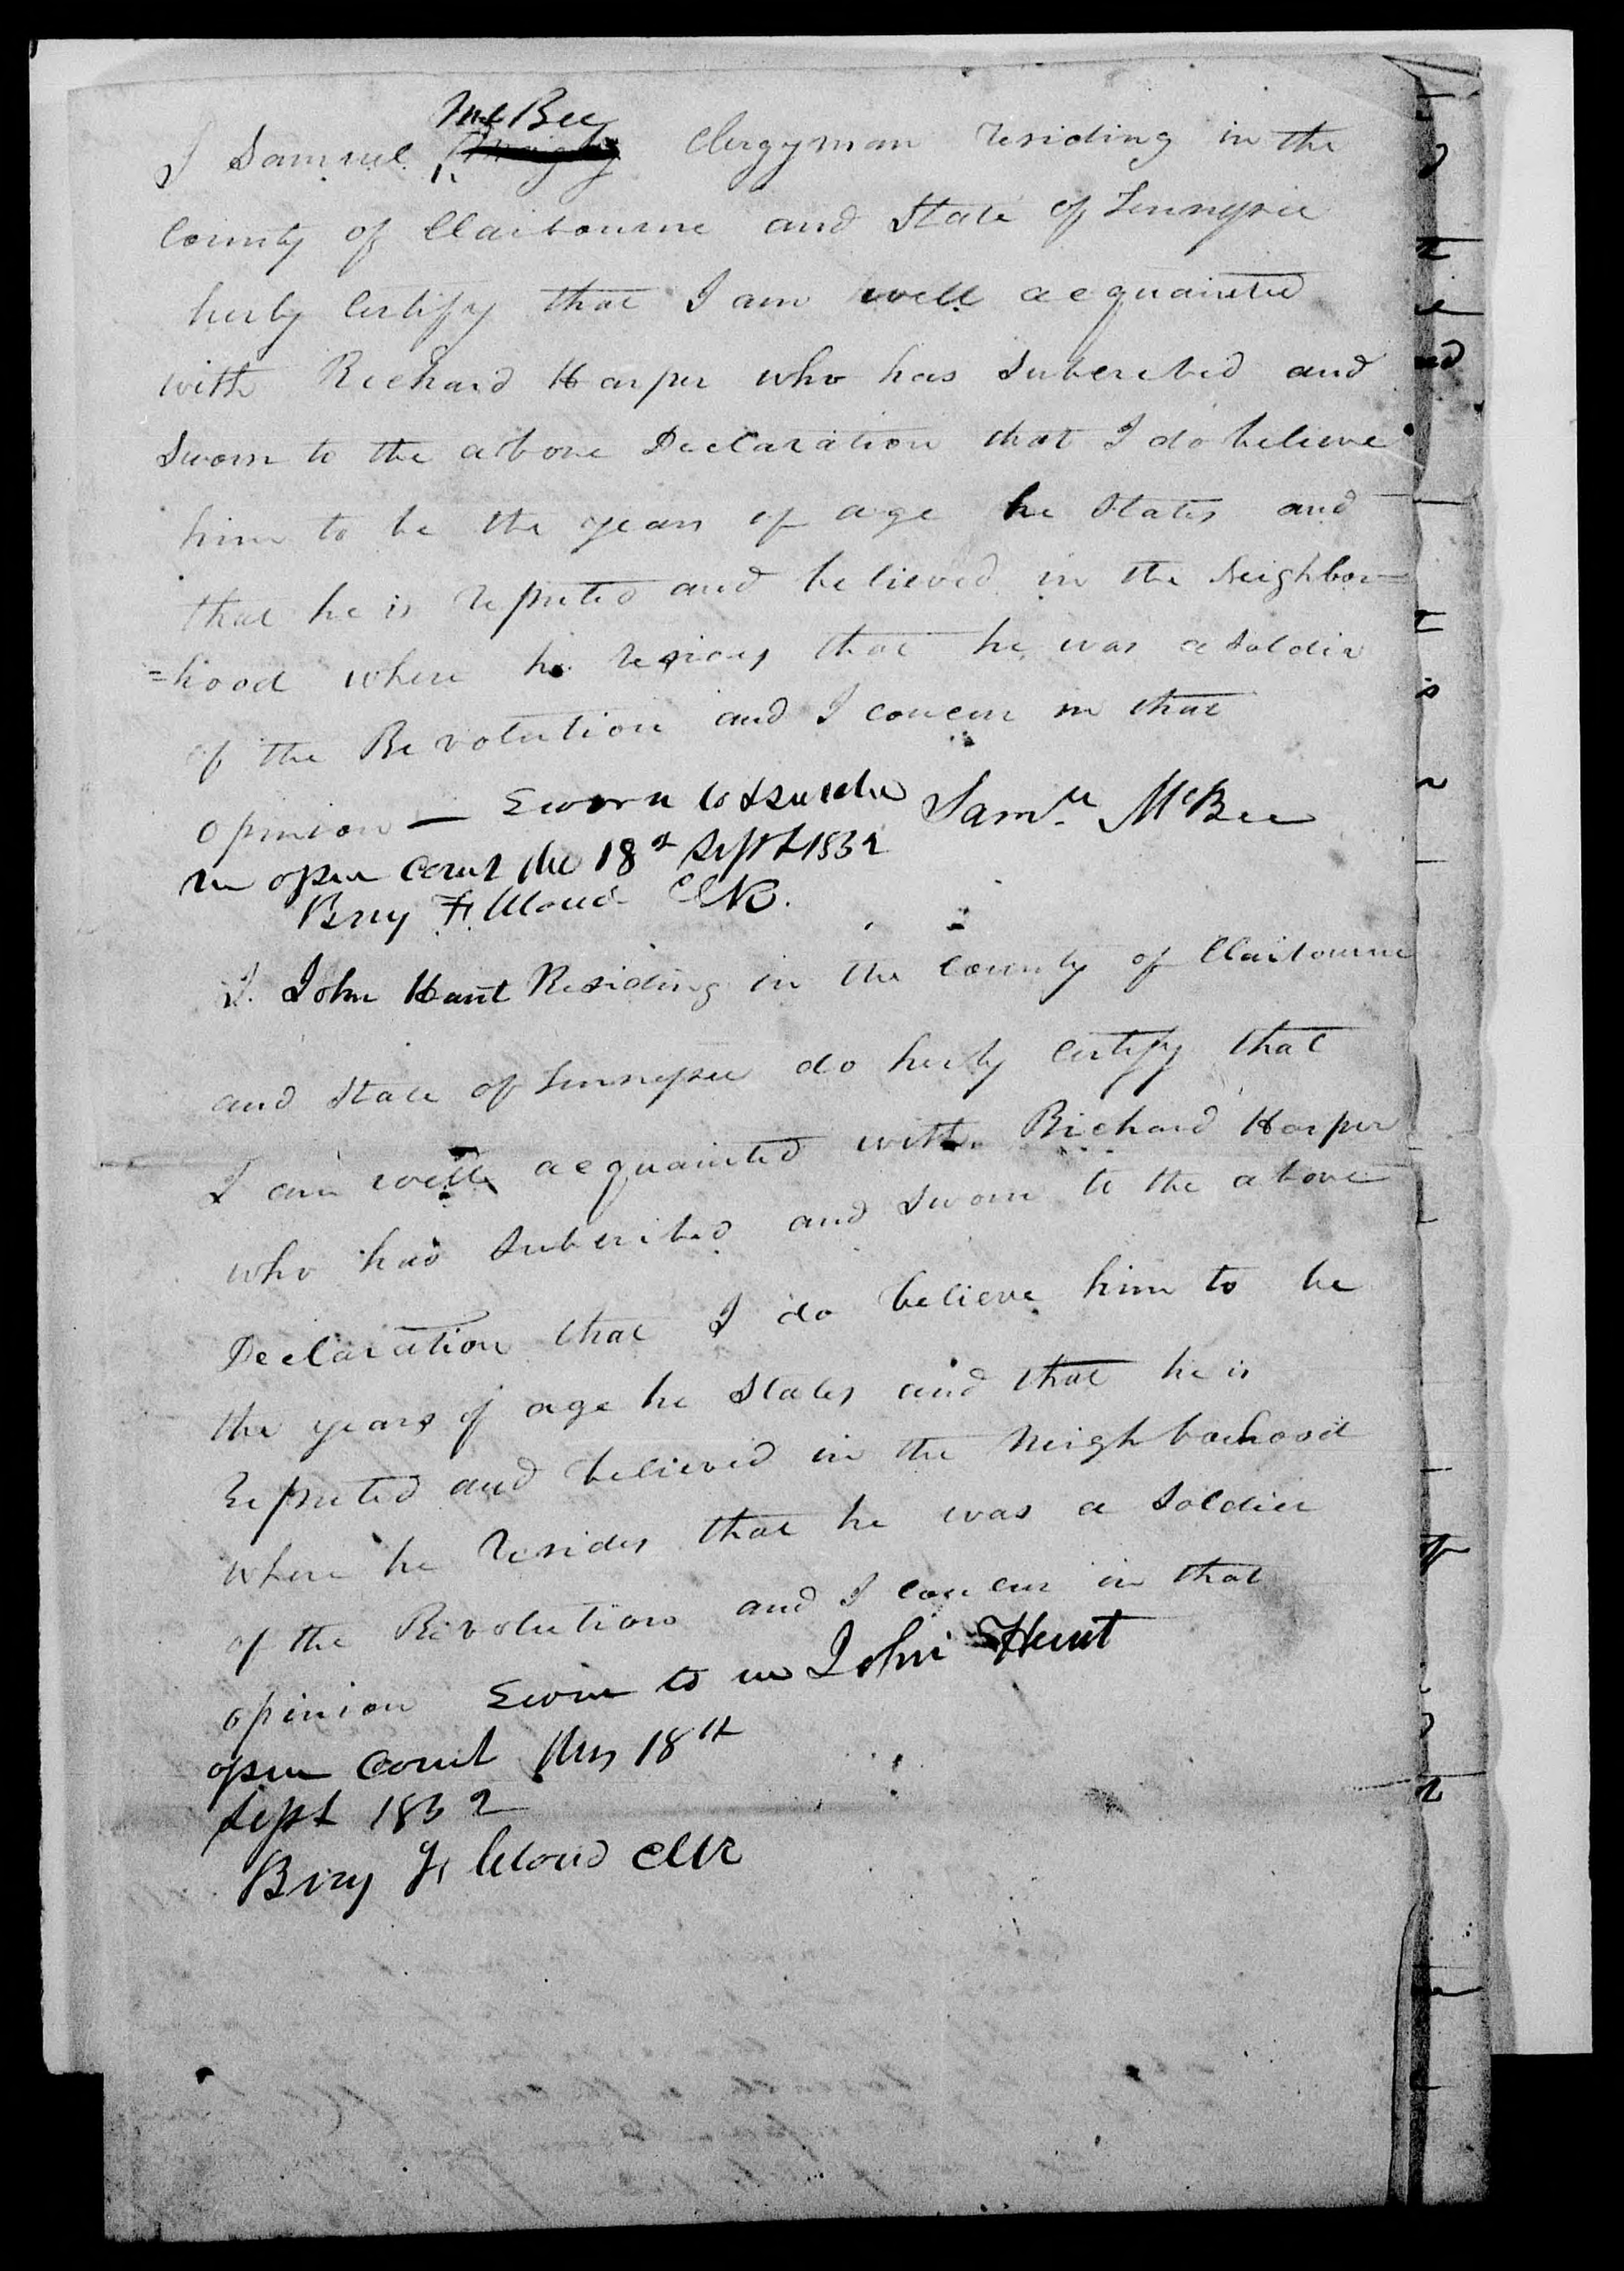I Samuel McBee clergyman residing in the County of Claiborne and the State of Tennessee hereby certify that I am well acquainted with Richard Harper who has submitted and Sworn to the above Declaration that I do believe him to be the year of age he states and that he is respected and believed in the neighborhood where he resides that he was a soldier of the Revolution and I concur in that opinion ---- Sworn to [illegible] in open court the 18th of Sept 1832 
Sam'l McBee
Benj F Cloud CLK
I John Hunt Residing in the County of Claiborne and State of Tennessee do hereby certify that I am well acquainted with Richard Harper who has submitted and Sworn to the above Declaration that I do believe him to be the years of age he states and that he is respected and believed in the neighborhood where he resides that he was a soldier of the Revolution and I concur in that opinion. 
John Hunt
Sworn to in open Court this 18th Sept 1832
Benj F Cloud CLK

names: John Hunt, John Hunt, Richard Harper, Samuel Mc Bee, Samel Mc Bee, Richard Harper, Benj F Cloud, Benj F Cloud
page: 9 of 81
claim: survivor's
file: S. 1908, Richard Harper, N.C.